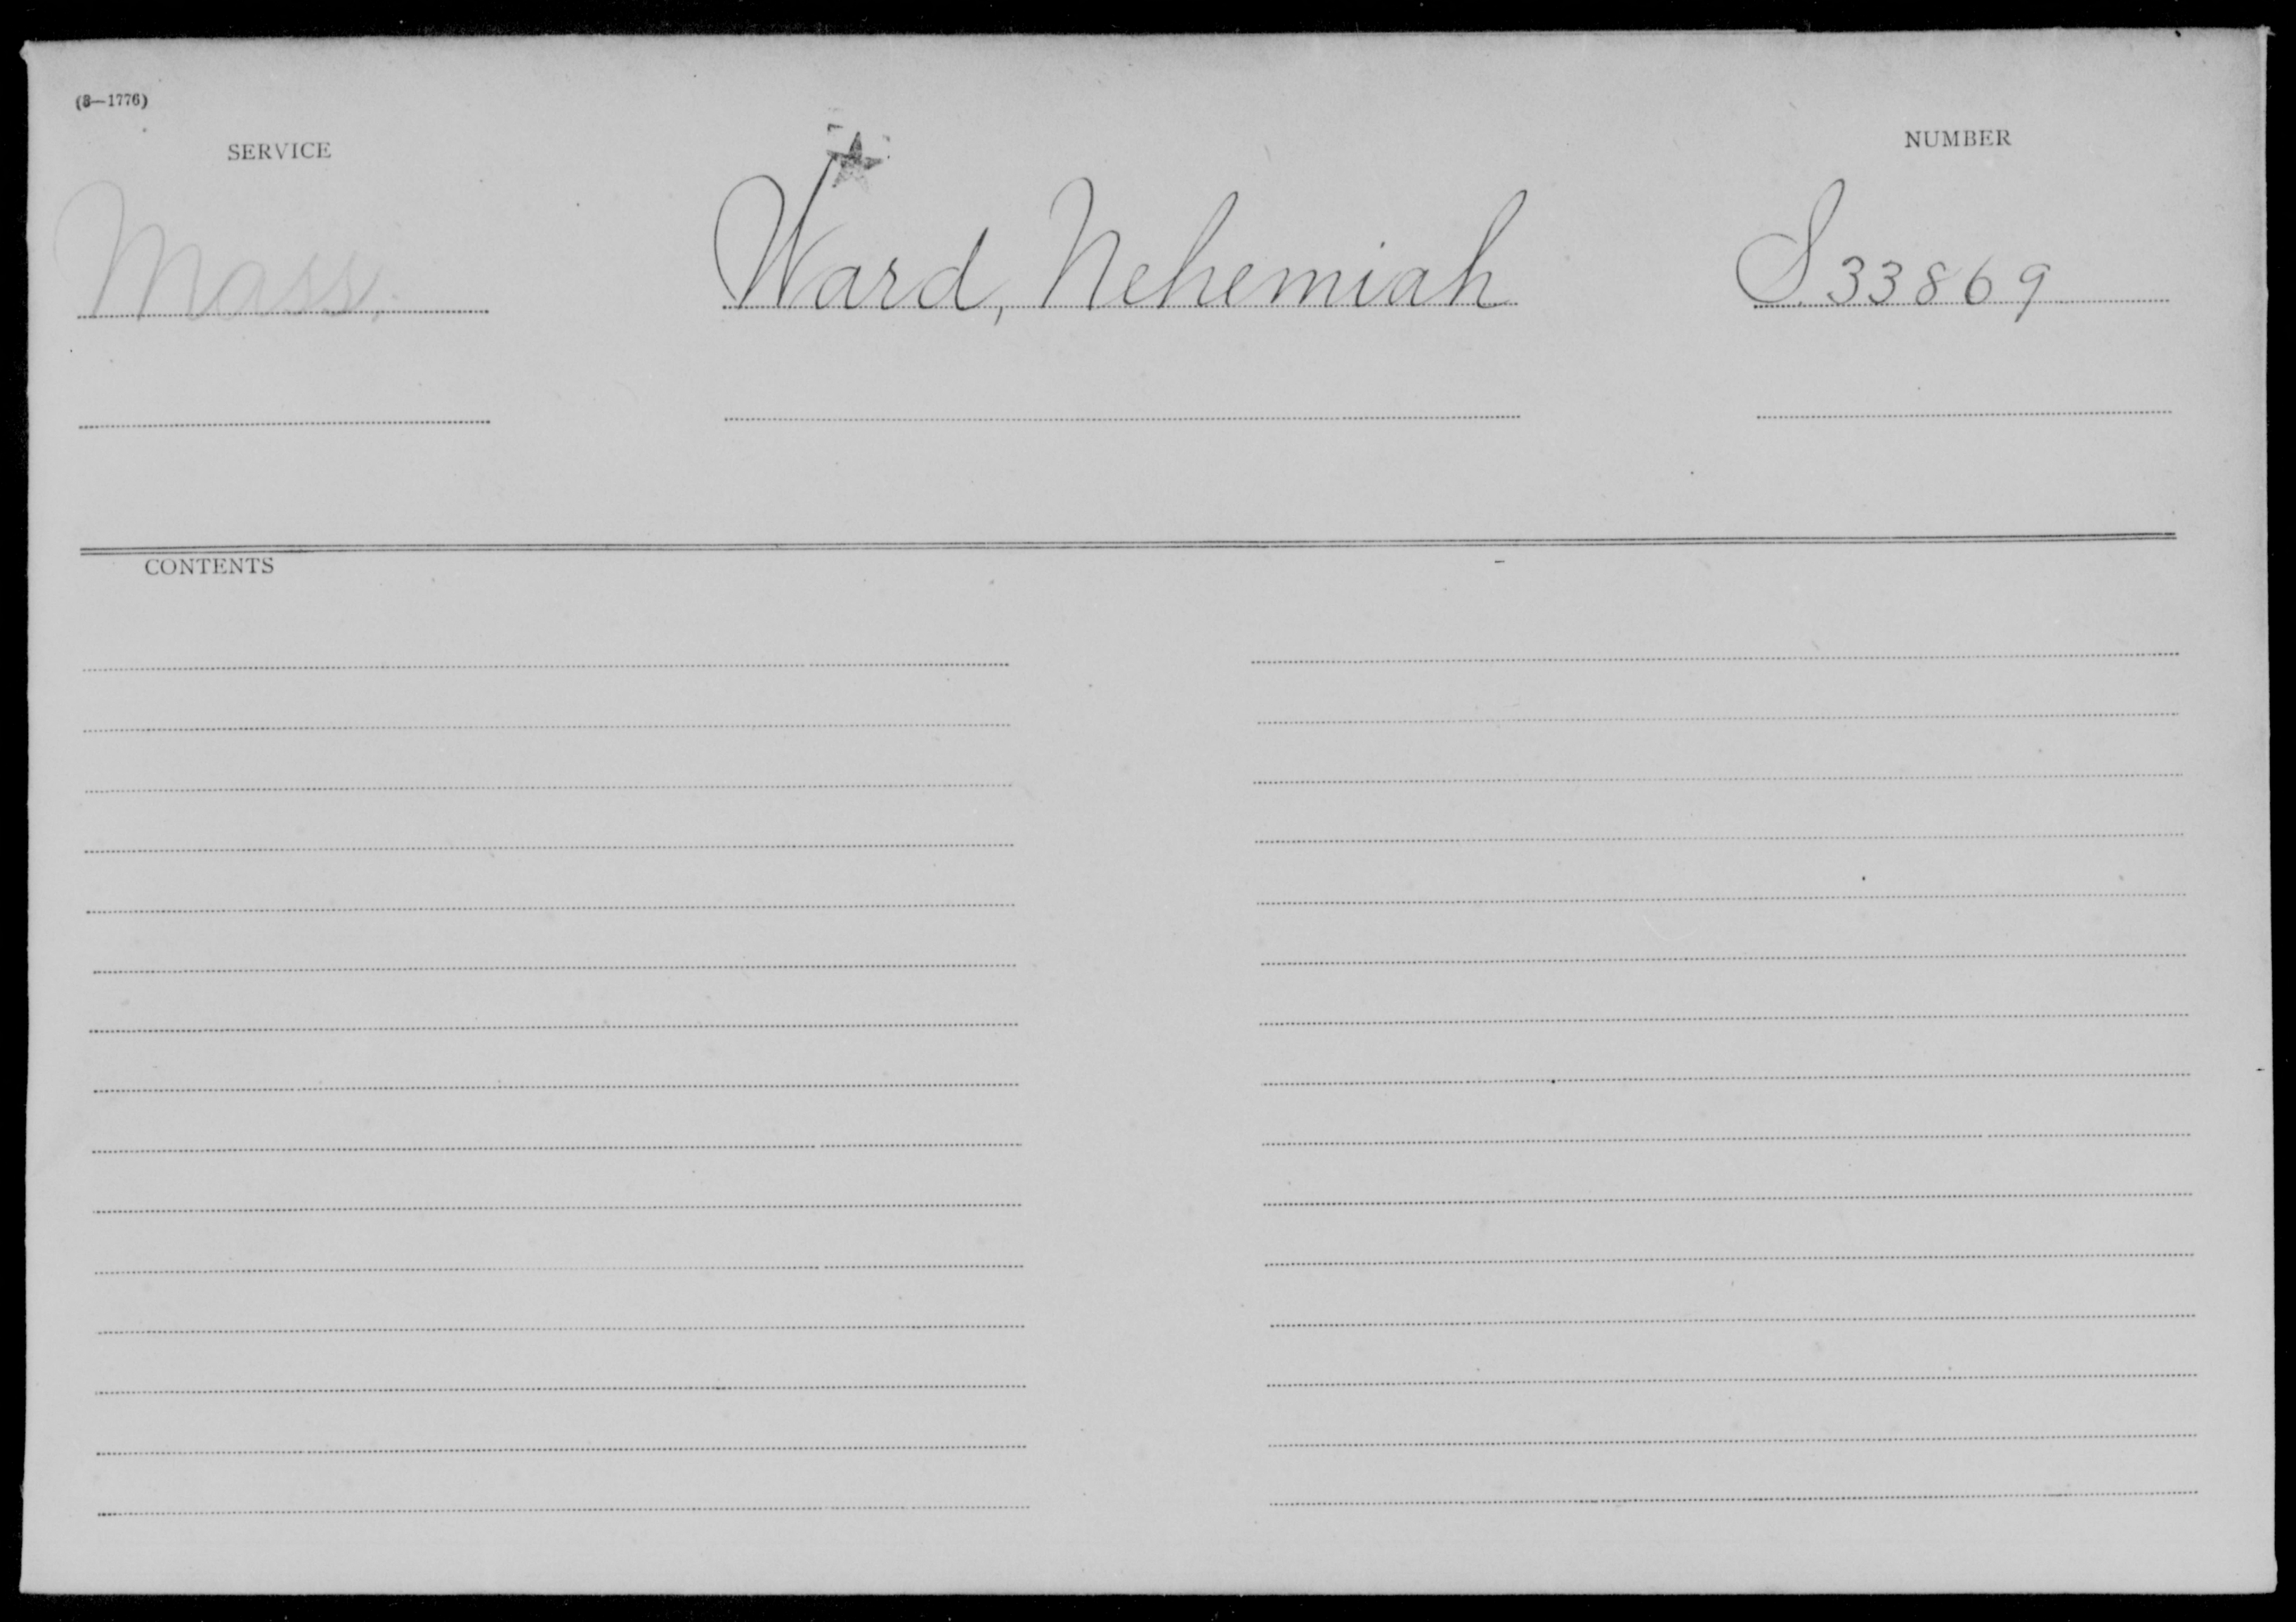(3-1776)

SERVICE.      Mass.

Ward, Nehemiah [5-pointed star stamp located above name]

NUMBER.        S.  33869

CONTENTS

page: 1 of 9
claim: survivor's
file: S. 33869, Nehemiah Ward, Mass.